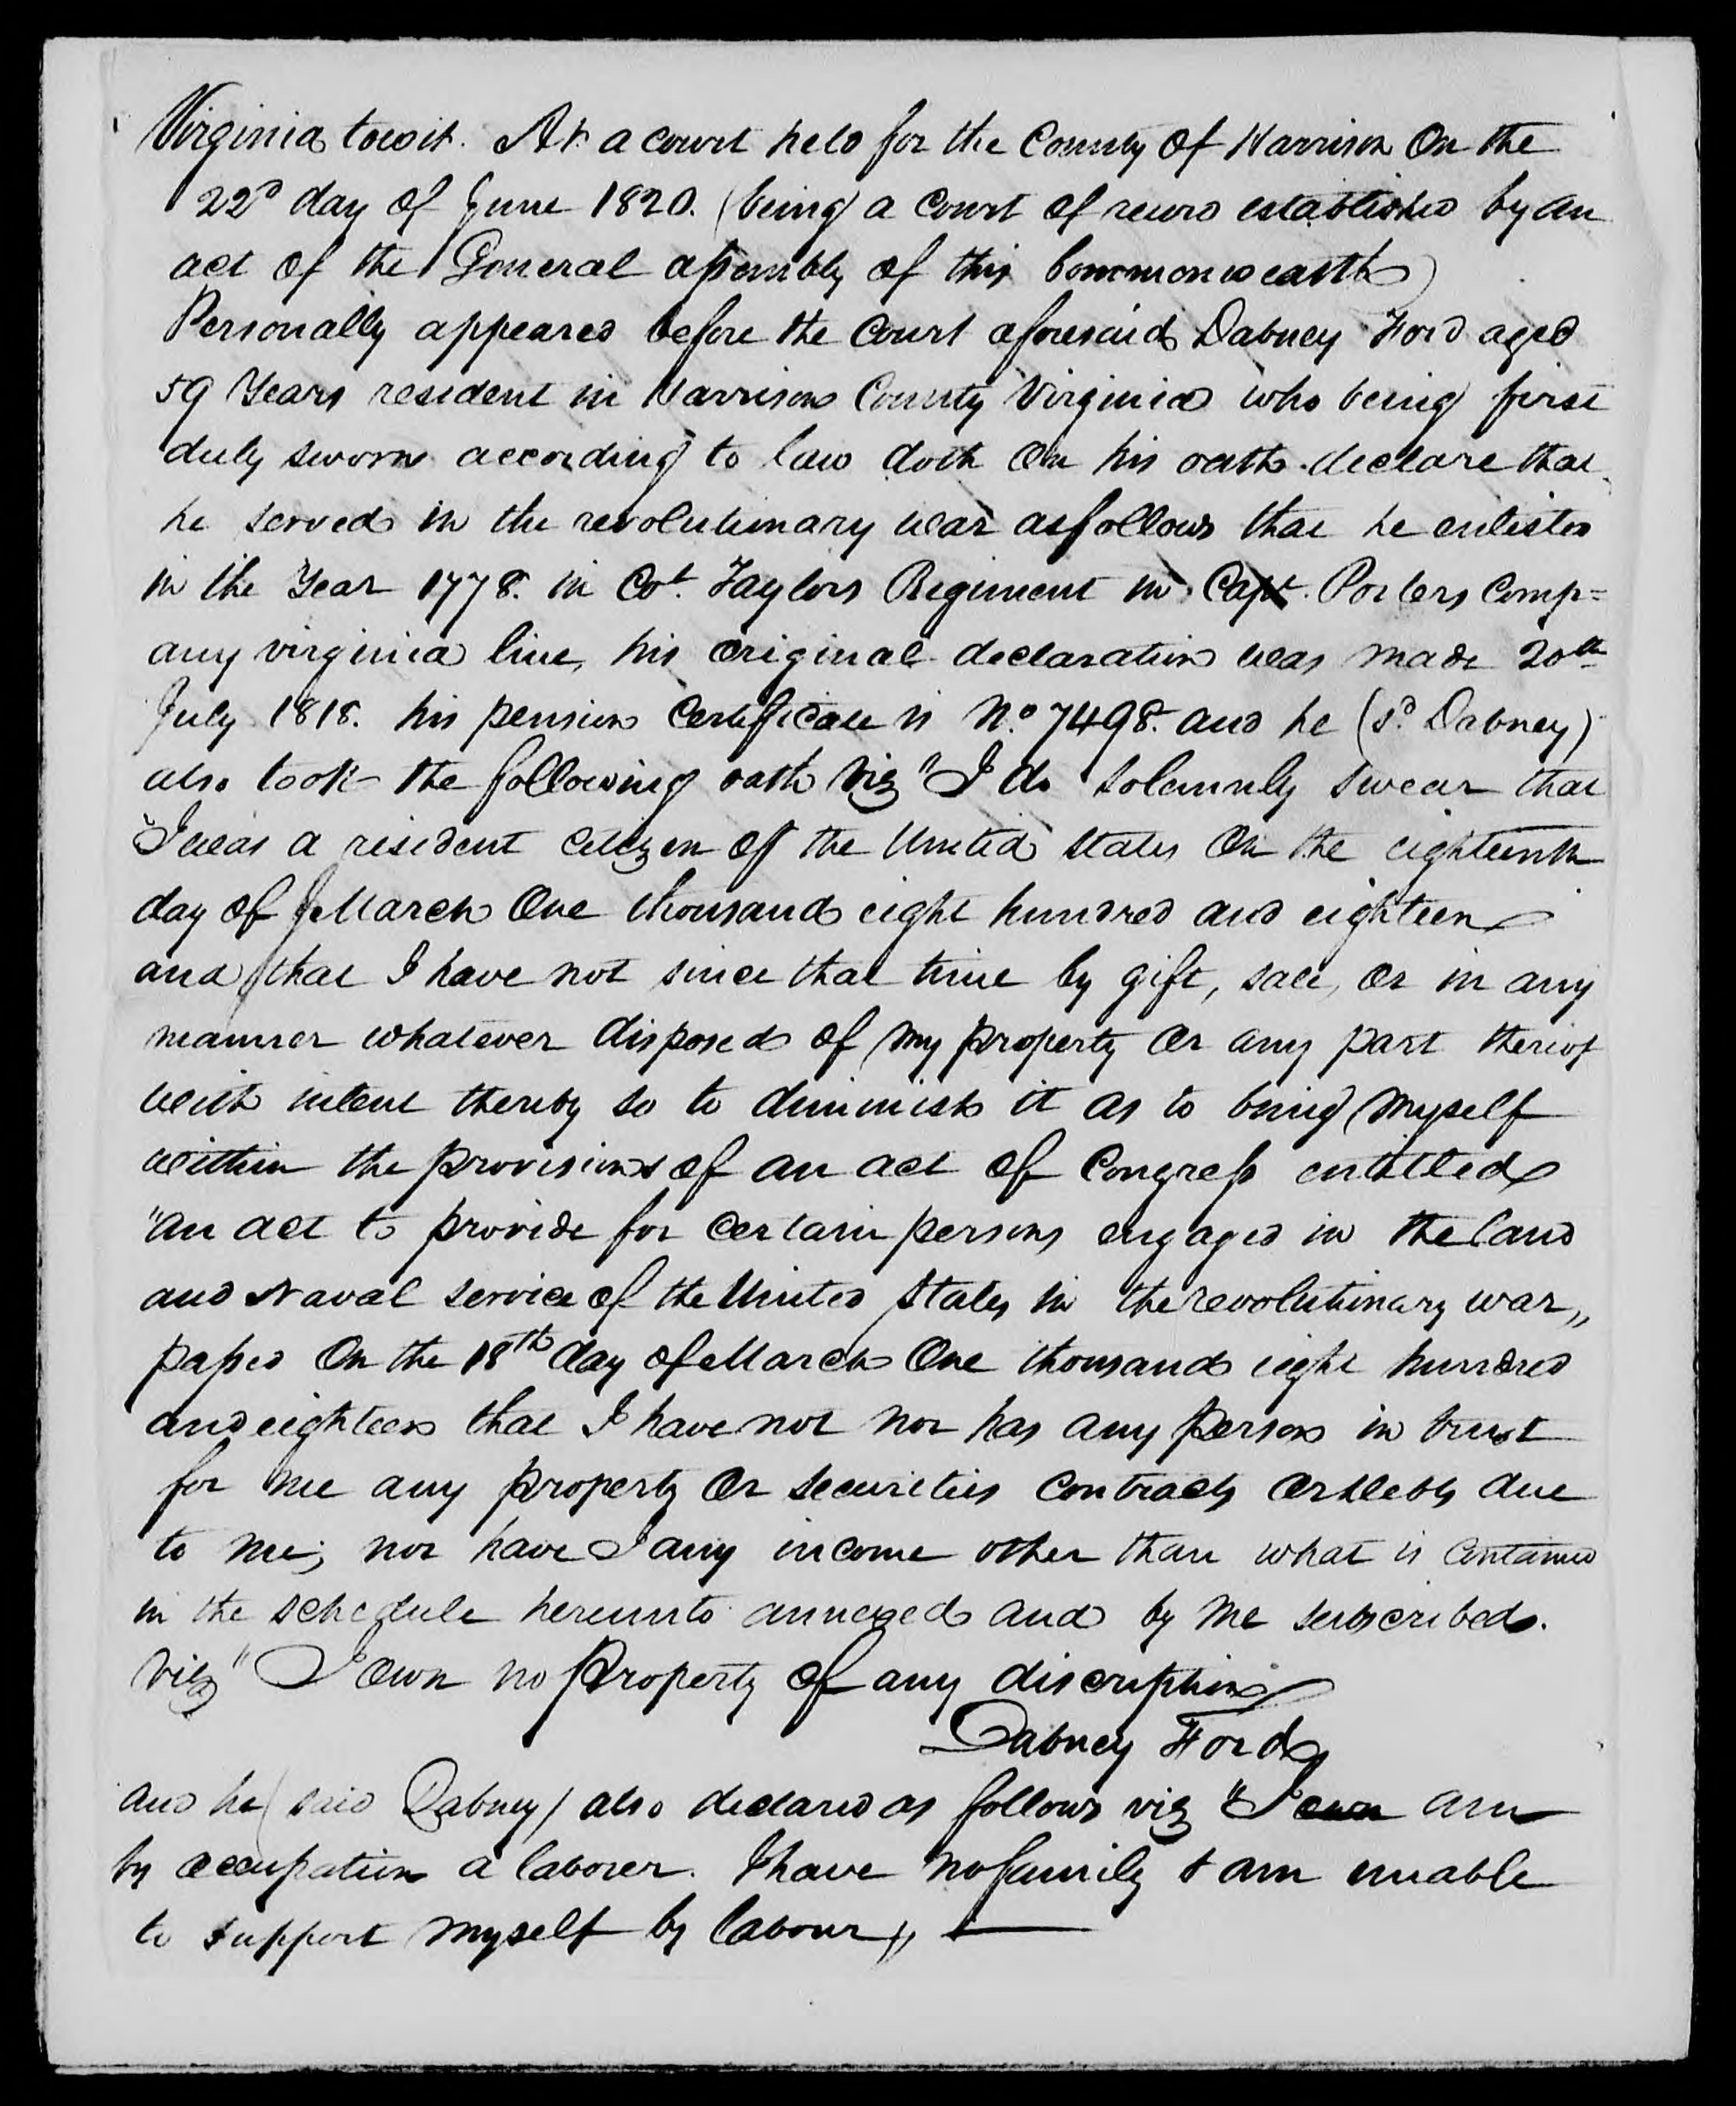Virginia towit.  At a court held for the County of Harrison On the
22d day of June 1820. (being a Court of record established by an
act of the General assembly of this Commonwealth)
Personally appeared before the Court aforesaid Dabney Ford aged
59 years resident in Harrison County Virginia who being first
duly sworn according to law doth on his oath declare that
he Served in the revolutionary War as follows that he enlisted
 in the year 1778. in Col. [Colonel] Taylors Regiment in Capt. [Captain] Porters Company Virginia line, his original declaration was made 20th July 1818. his pension Certificate is No. 7498. and he (S.d [said] Dabney)
also took the following oath viz "I do Solemnly Swear that I was a resident citizen of the United States On the eighteenth day of March One thousand eight hundred and eighteen and that I have not since that time by gift, sale, or in any manner whatever disposed of my property or any part thereof with intent thereby so to diminish it as to bring myself within the Provisions of an act of Congress entitled "an act to provide for certain persons engaged in the land and Naval Service of the United States in the revolutionary war" passed On the 18th day of March One thousand eight hundred and eighteen that I have not nor has any persons in trust for me any property Or Securities contracts or Debts due to me; nor have  I any income other than what is contained in the schedule hereunto annexed and by me subscribed. viz "  I own no property of any discription [description]
                                                          Dabney Ford
and he said Dabney also declared as follows viz " I [word crossed out] am by occupation a laborer. I have no family & am unable to suppor
myself by labour"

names: Dabney Ford, Dabney, Dabney Ford, Dabney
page: 7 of 11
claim: survivor's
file: S. 39531, Dabney Ford, Va.